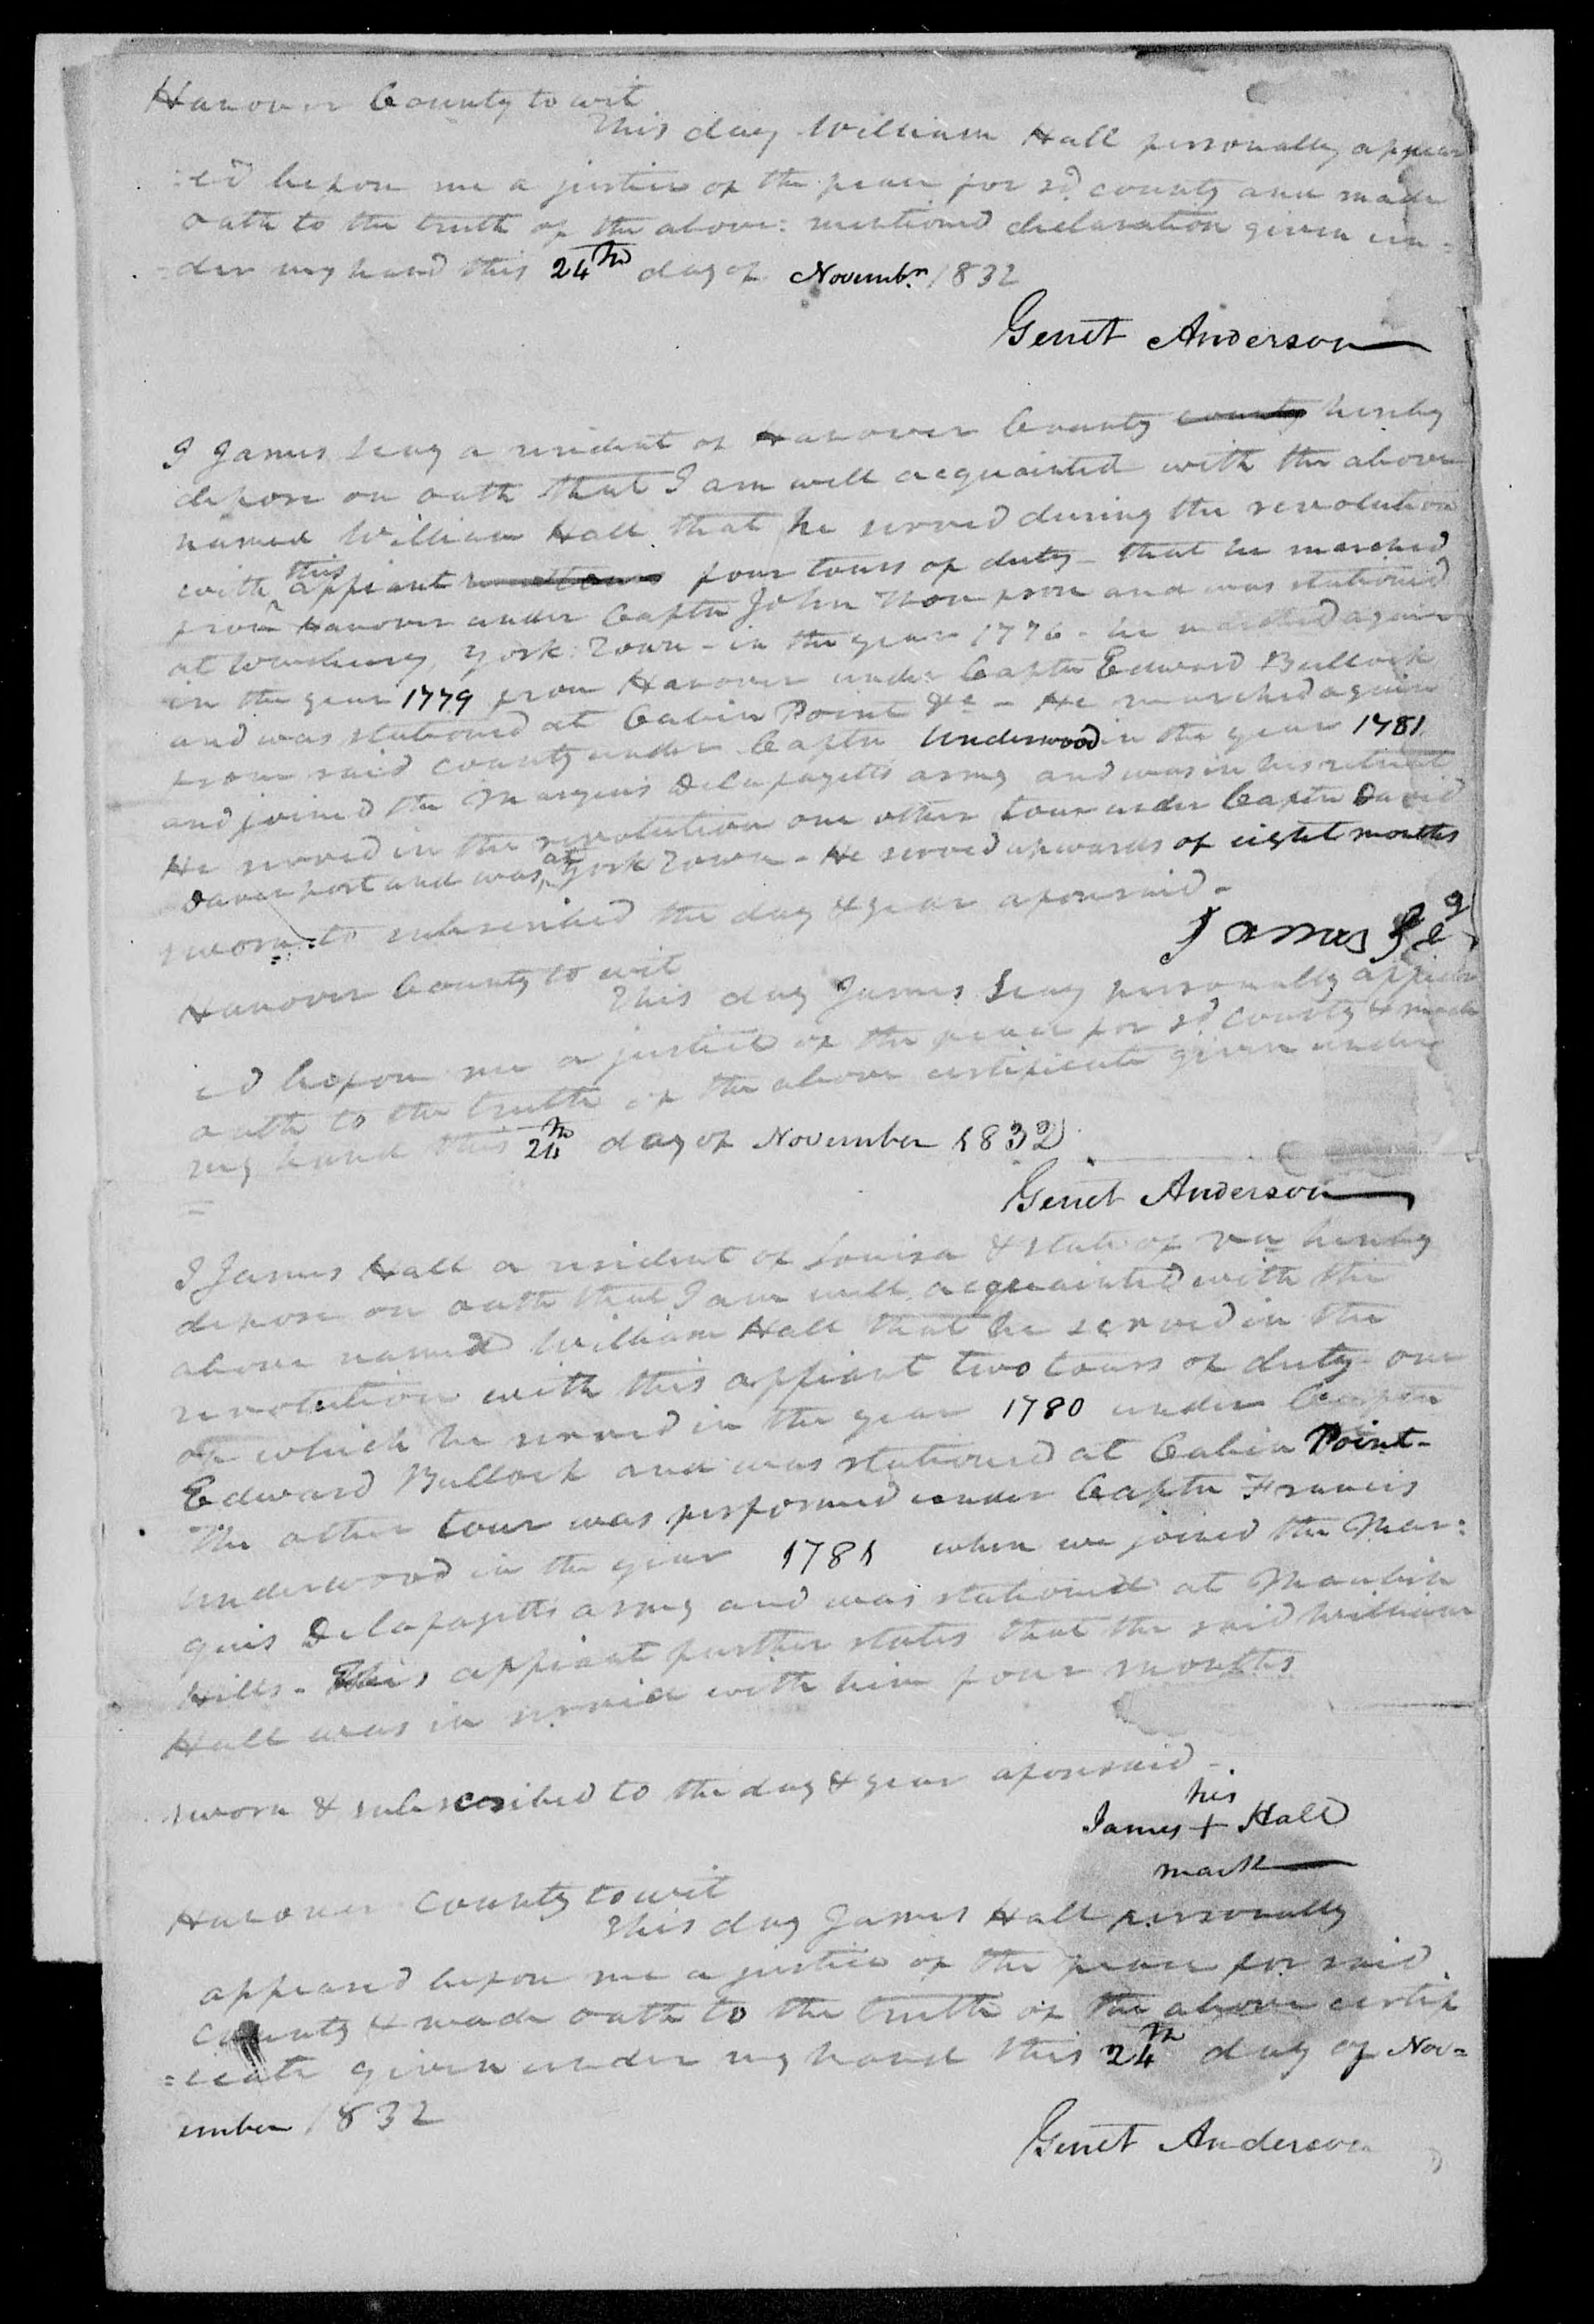Hanover County to wit
This day William Hall personally appeared before me a justice of the peace for sd County and made oath to the truth of the above mentioned declaration given under my hand this 24th day of Novemb'r 1832
Genet Anderson
I James Seay a resident of Hanover County hereby upon on oath that I am well acquainted with the above named William Hall that he served during the revolution with this affiant four tours of duty-- that he marched from Hanover under Capt John Thompson and was stationed at Wmsburg, York Town in the year 1776 - he marched again in the year 1779 from Hanover under Capt Edward Bullock and was stationed at Cabin Point &c. He marched again from said county under Capt Underwood in the year 1781 and joined the Marquis De Lafayette's army and was in his retreat He served in the revolution one other tour under Capt David Davenport and was at York town. He served upwards of eight months
sworn to subscribed the day & year aforesaid
James Seay

Hanover County to wit 
This day James Seay personally appeared before me a justice of the peace for sd county & made oath to the truth of the above certificate given under my hand this 24th day of November 1832
Genet Anderson

I James Hall a resident of Louisa & State of Va hereby depose on oath that I am well acquainted with the above named William Hall that he served in the revolution with this affiant two tours of duty one of which he served in the year 1780 under in Edward Bullock and was stationed at Cabin Point. The other tour was performed under Capt Francis Underwood in the year 1781 when we joined the Marquis De Lafayette's army and was stationed at Maubin [Malvern] Hills. This affiant further states that the said William Hall  was in service with him four months
sworn & subscribed to the day & year aforesaid

James Hall
X
his mark

Hanover County to wit
This day will James Hall personally appeared before me a justice of the peace for said county & made oath to the truth of the above certificate given under my hand this 24th day of November 1832
Genet Anderson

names: James Seay, Underwood, Francis Underwood, William Hall, Edward Bullock, Gerrit Anderson, Gerret Anderson, John Thompson, James Seay, William Hall, William Hall, Gerret Anderson, David Davenport, James Seay, James Hall, James Hall, William Hall, Edward Bullock, James Hall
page: 5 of 15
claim: survivor's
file: S. 5475, William Hall, Va.